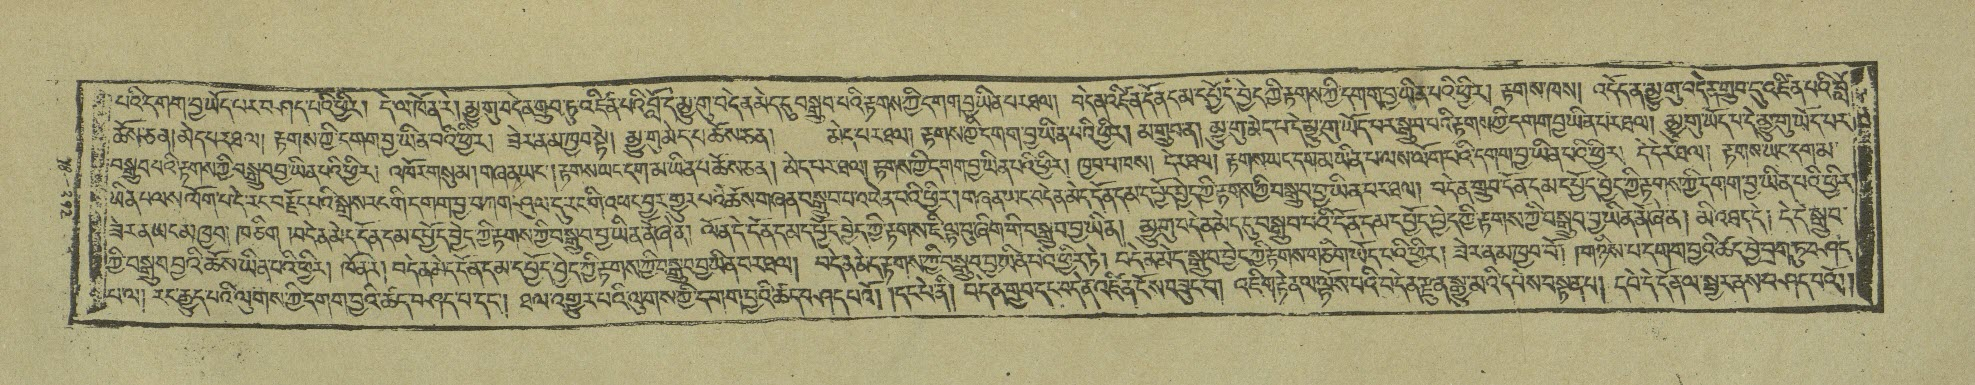པའི་དགག་བྱ་ཡོད་པར་བཤད་པའི་ཕྱིར། དེ་ལ་ཁོ་ན་རེ། མྱུ་གུ་བདེན་གྲུབ་ཏུ་འཛིན་པའི་བློ་དེ་མྱུ་གུ་བདེན་མེད་དུ་བསྒྲུབ་པའི་རྟགས་ཀྱི་དགག་བྱ་ཡིན་པར་ཐལ། བདེན་འཛིན་དོན་དམ་དཔྱོད་བྱེད་ཀྱི་རྟགས་ཀྱི་དགག་བྱ་ཡིན་པའི་ཕྱིར། རྟགས་ཁས། འདོད་ན་མྱུ་གུ་བདེན་གྲུབ་དུ་འཛིན་པའི་བློ་
ཆོས་ཅན། མེད་པར་ཐལ། རྟགས་ཀྱི་དགག་བྱ་ཡིན་པའི་ཕྱིར། ཟེར་ན་མ་ཁྱབ་སྟེ། མྱུ་གུ་མེད་པ་ཆོས་ཅན། མེད་པར་ཐལ། རྟགས་ཀྱི་དགག་བྱ་ཡིན་པའི་ཕྱིར། མ་གྲུབ་ན། མྱུ་གུ་མེད་པ་དེ་མྱུ་གུ་ཡོད་པར་སྒྲུབ་པའི་རྟགས་ཀྱི་དགག་བྱ་ཡིན་པར་ཐལ། མྱུ་གུ་ཡོད་པ་དེ་མྱུ་གུ་ཡོད་པར་
བསྒྲུབ་པའི་རྟགས་ཀྱི་བསྒྲུབ་བྱ་ཡིན་པའི་ཕྱིར། འཁོར་གསུམ། གཞན་ཡང་། རྟགས་ཡང་དག་མ་ཡིན་པ་ཆོས་ཅན། མེད་པར་ཐལ། རྟགས་ཀྱི་དགག་བྱ་ཡིན་པའི་ཕྱིར། ཁྱབ་པ་ཁས། དེར་ཐལ། རྟགས་ཡང་དག་མ་ཡིན་པ་ལས་ལོག་པའི་དགག་བྱ་ཡིན་པའི་ཕྱིར། དེ་དེར་ཐལ། རྟགས་ཡང་དག་མ་
ཡིན་པ་ལས་ལོག་པ་དེ་རང་བརྗོད་པའི་སྒྲས་རང་གི་དགག་བྱ་བཀག་ཤུལ་དུ་རང་གི་འཕང་བྱར་གྱུར་པའི་ཆོས་གཞན་བསྒྲུབ་པ་འཕེན་པའི་ཕྱིར། གཞན་ཡང་བདེན་མེད་དོན་དམ་དཔྱོད་བྱེད་ཀྱི་རྟགས་ཀྱི་བསྒྲུབ་བྱ་ཡིན་པར་ཐལ། བདེན་གྲུབ་དོན་དམ་དཔྱོད་བྱེད་ཀྱི་རྟགས་ཀྱི་དགག་བྱ་ཡིན་པའི་ཕྱིར་
ཟེར་ན་ཡང་མ་ཁྱབ། ཁ་ཅིག །བདེན་མེད་དོན་དམ་དཔྱོད་བྱེད་ཀྱི་རྟགས་ཀྱི་བསྒྲུབ་བྱ་ཡིན་ནོ་ཞེ་ན། འོ་ན་དེ་དོན་དམ་དཔྱོད་བྱེད་ཀྱི་རྟགས་ཇི་ལྟ་བུ་ཞིག་གི་བསྒྲུབ་བྱ་ཡིན། མྱུ་གུ་བདེན་མེད་དུ་སྒྲུབ་པའི་དོན་དམ་དཔྱོད་བྱེད་ཀྱི་རྟགས་ཀྱི་བསྒྲུབ་བྱ་ཡིན་ནོ་ཞེ་ན། མི་འཐད་དེ། དེ་དེ་སྒྲུབ་
ཀྱི་བསྒྲུབ་བྱའི་ཆོས་ཡིན་པའི་ཕྱིར། ཁོ་ན་རེ། བདེན་མེད་དོན་དམ་དཔྱོད་བྱེད་ཀྱི་རྟགས་ཀྱི་བསྒྲུབ་བྱ་ཡིན་པར་ཐལ། བདེན་མེད་རྟགས་ཀྱི་བསྒྲུབ་བྱ་ཡིན་པའི་ཕྱིར་ཏེ། བདེན་མེད་སྒྲུབ་བྱེད་ཀྱི་རྟགས་གཅིག་ཡོད་པའི་ཕྱིར། ཟེར་ན་མ་ཁྱབ་བོ། །གཉིས་པ་དགག་བྱའི་ཚད་བྱེ་བྲག་ཏུ་བཤད་
པ་ལ། རང་རྒྱུད་པའི་ལུགས་ཀྱི་དགག་བྱའི་ཚད་བཤད་པ་དང་། ཐལ་འགྱུར་པའི་ལུགས་ཀྱི་དགག་བྱའི་ཚད་བཤད་པའོ། །དང་པོ་ནི། བདེན་གྲུབ་དང་བདེན་འཛིན་ངོས་བཟུང་བ། འཇིག་རྟེན་ལ་ལྟོས་པའི་བདེན་རྫུན་སྒྱུ་མའི་དཔེས་བསྟན་པ། དཔེ་དེ་དོན་ལ་སྦྱར་ནས་བཤད་པའོ། །